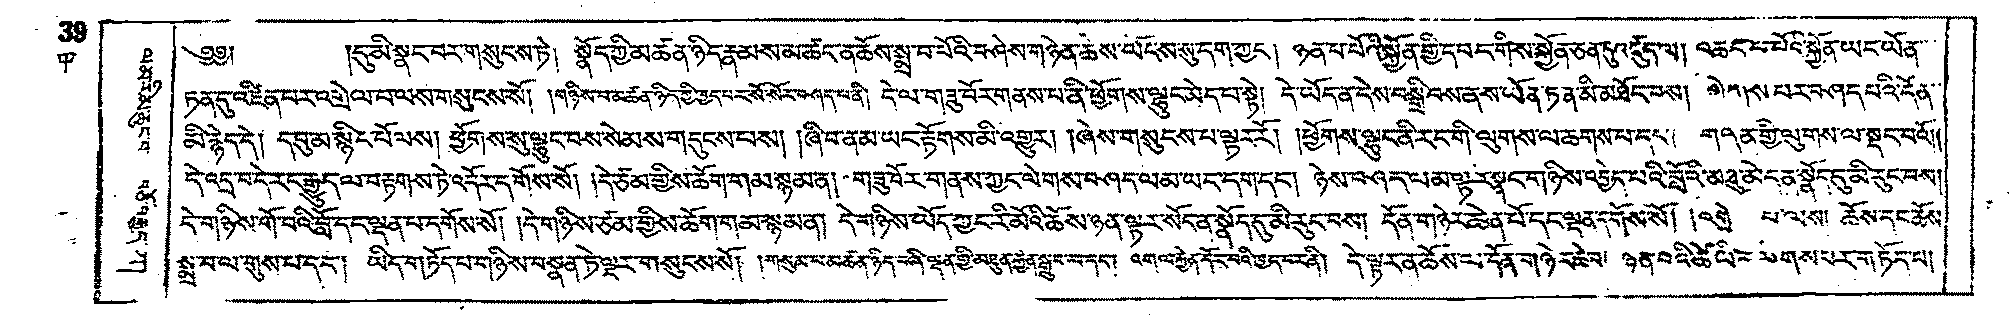༄༅། །དུ་མི་སྣང་བར་གསུངས་ཏེ། སྣོད་ཀྱི་མཚན་ཉིད་རྣམས་མ་ཚང་ན་ཆོས་སྨྲ་བ་པོའི་བཤེས་གཉེན་ཆེས་ཡོངས་སུ་དག་ཀྱང་། ཉན་པ་པོའི་སྐྱོན་གྱི་དབང་གིས་སྐྱོན་ཅན་དུ་འཛུད་ལ། འཆང་པ་པོའི་སྐྱོན་ཡང་ཡོན་
ཏན་དུ་འཛིན་པར་འགྲེལ་པ་ལས་གསུངས་སོ། །གཉིས་པ་མཚན་ཉིད་ཀྱི་ཁྱད་པར་སོ་སོར་བཤད་པ་ནི།  དེ་ལ་གཟུ་བོར་གནས་པ་ནི་ཕྱོགས་ལྷུང་མེད་པ་སྟེ། དེ་ཡོད་ན་དེས་བསྒྲིབས་ནས་ཡོན་ཏན་མི་མཐོང་བས། ལེགས་?་པར་བཤད་པའི་དོན་
མི་རྙེད་དེ། དབུ་མ་སྙིང་པོ་ལས། ཕྱོགས་སུ་ལྷུང་བས་སེམས་གདུངས་པས། །ཞི་བ་ནམ་ཡང་རྟོགས་མི་འགྱུར། །ཞེས་གསུངས་པ་ལྟར་རོ། །ཕྱོགས་ལྷུང་ནི་རང་གི་ལུགས་ལ་ཆགས་པ་དང་། གཞན་གྱི་ལུགས་ལ་སྡང་བའོ།།
དེ་འདྲ་བ་དེ་རང་རྒྱུད་ལ་བརྟགས་ཏེ་འདོར་དགོས་སོ། །དེ་ཙམ་གྱིས་ཆོག་གམ་སྙམ་ན། གཟུ་བོར་གནས་ཀྱང་ལེགས་བཤད་ལམ་ཡང་དག་དང་། ཉེས་བཤད་ལམ་ལྟར་སྣང་གཉིས་འབྱེད་པའི་བློའི་མཐུ་མེད་ན་སྣོད་དུ་མི་རུང་བས།
དེ་གཉིས་གོ་བའི་བློ་དང་ལྡན་པ་དགོས་སོ། །དེ་གཉིས་ཙམ་གྱིས་ཆོག་གམ་སྙམ་ན། དེ་གཉིས་ཡོད་ཀྱང་རི་མོའི་ཆོས་ཉན་ལྟར་སོང་ན་སྣོད་དུ་མི་རུང་བས། དོན་གཉེར་ཆེན་པོ་དང་ལྡན་དགོས་སོ། །འགྲེ་པ་ལས། ཆོས་དང་ཆོས་
སྨྲ་བ་ལ་གུས་པ་དང་། ཡིད་གཏོད་པ་གཉིས་བསྣན་ཏེ་ལྔར་གསུངས་སོ། །གསུམ་པ་མཚན་ཉིད་བཞི་ལྡན་གྱི་མཐུན་རྐྱེན་སྒྲུབ་པ་དང་། འགལ་རྐྱེན་དོར་བའི་ཁྱད་པར་ནི།  དེ་ལྟར་ན་ཆོས་ལ་དོན་གཉེར་ཆེ་བ། ཉན་བའི་ཚེ་ལིང་ལེགས་?་པར་གཏོད་པ།